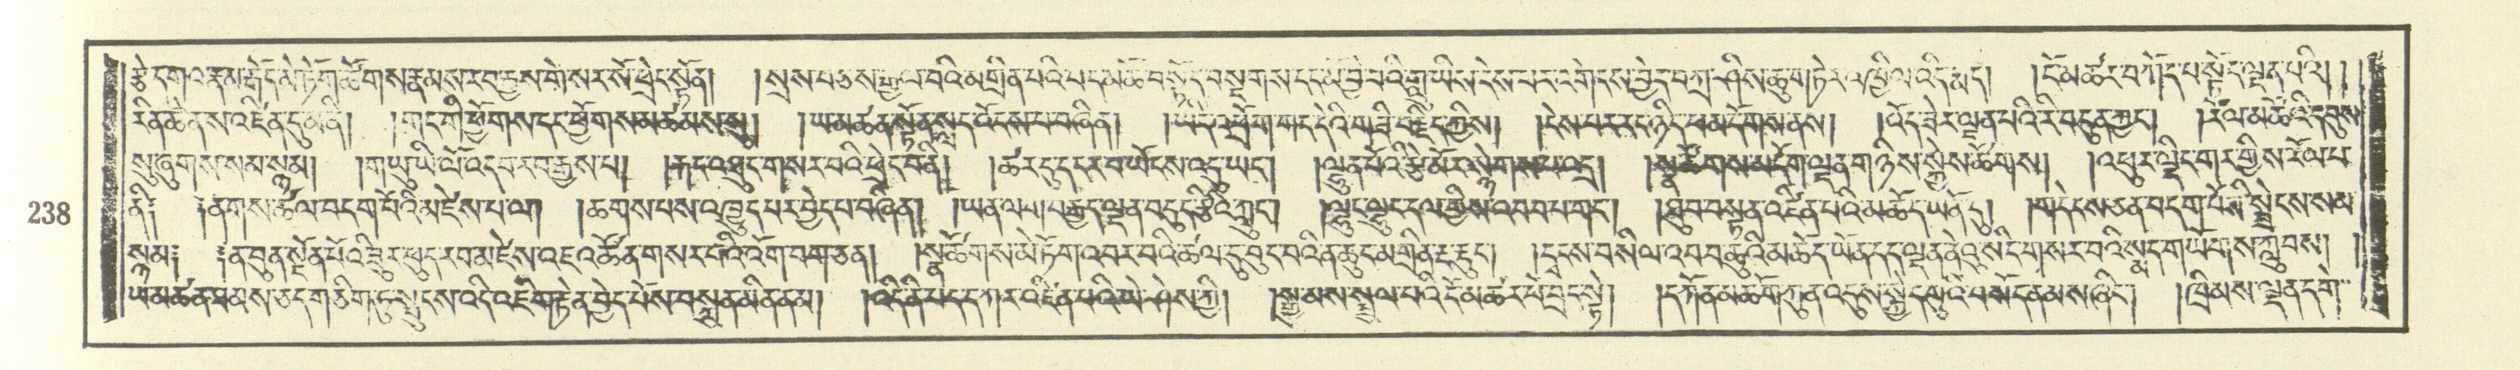རྩེ་དགའ་རྣམ་རྒོན་མེ་ཏོག་ཚོགས་རྣམས་རབ་རྒྱས་གེ་སར་སོ་ཕྲེང་སྟོན། །སྲས་བཅས་རྒྱལ་བའི་མ་གྲིན་པའི་པད་མཚོ་བསྟོད་བསྔགས་དང་མོ་བྱེ་བའི་གླུ་ཡིས་དེས་པར་འགེངས་བྱེད་བཀྲ་ཤིས་ཆུ་གཏེར་འཁྱིལ་འདི་རྨད། །ངོ་མཚར་བཀོད་པ་སྟོད་ལྡན་པའི། །
རིན་ཆེན་ས་འཛིན་དུ་མ་ནི། །གང་གི་ཕྱོགས་དང་ཕྱོགས་མཚམས་སུ། །ཡ་མཚན་སྟོན་སླད་འོངས་པ་བཞིན། །ཡིད་འཕྲོག་གང་དེའི་གཟི་བརྗིད་ཀྱིས། །ངེས་པར་རང་ཉིད་པ་མདོགས་ནས། །འོད་ཟེར་ལྡན་པའི་རི་བདུན་ཀྱང་། །རོལ་མཚོའི་དབུས་
སུ་ཞུགས་སམ་སྙམ། །གཡུ་ཡི་ལོ་འདབ་རབ་རྒྱས་པ། །རྐང་འཐུང་གསར་བའི་ཕྲེང་བ་ནི། །ཚར་དུ་དངར་བ་ཡོངས་འདུ་ཡང་། །ལྷུན་པོའི་རྩེ་མོར་སྙེགས་པ་འདྲ། །སྣ་ཚོགས་མདོག་ལྡན་གཉིས་སྐྱེས་ཚོགས། །འཕུར་ལྡིང་གར་གྱིས་རོལ་པ་
ནི༑ ༑ནགས་ཚལ་བདག་པོའི་མཛེས་པ་ལ། །ཆགས་པས་འཁྱུད་པར་བྱེད་པ་བཞིན། །ཡན་ལག་བརྒྱད་ལྡན་བདུད་རྩིའི་ཀླུང་། །ལྷུང་ལྷུང་དལ་གྱིས་འབབ་པ་གང་། །ཐུབ་བསྟན་འཛིན་པའི་མཆོད་ཡོན་དུ། །གདེངས་ཅན་བདག་པོ་སི་སྤྲེངས་སམ་
སྙམ༑ ༑ན་བུན་སྔོན་པོའི་ཟུར་ཕུད་རབ་མཛེས་འཇའ་ཚོན་གསར་བའི་འོག་བག་ཅན། །སྣ་ཚོགས་མེ་ཏོག་འབར་བའི་ཚལ་དུ་བུང་པའི་ན་ཆུང་མགྲིན་རྔ་རྡུང་། །དྭངས་བསིལ་འབབ་ཆུའི་མཆོད་ཡོན་དད་ལྡན་ནེའུ་སིང་གསར་བའི་སྨད་གཡོགས་ཀླུབས། །
ཡ་མཚན་ཐམས་ཅད་གཅིག་ཏུ་སྤུངས་འདི་འཇིག་རྟེན་བྱེད་པོས་བསྐྲུན་མིན་ནམ། །འདི་ནི་པད་དཀར་འཛིན་པའི་ཡེ་ཤེས་ཀྱི། །སྒྲུ་མས་སྤྲུལ་པའི་ངོ་མཚར་ཕོ་བྲང་སྟེ། །དཀོན་མཆོག་ཀུན་འདུས་སྐྱེ་དགུའི་བསོད་ནམས་ཞིང་། །ཁྲིམས་ལྡན་དགེ་